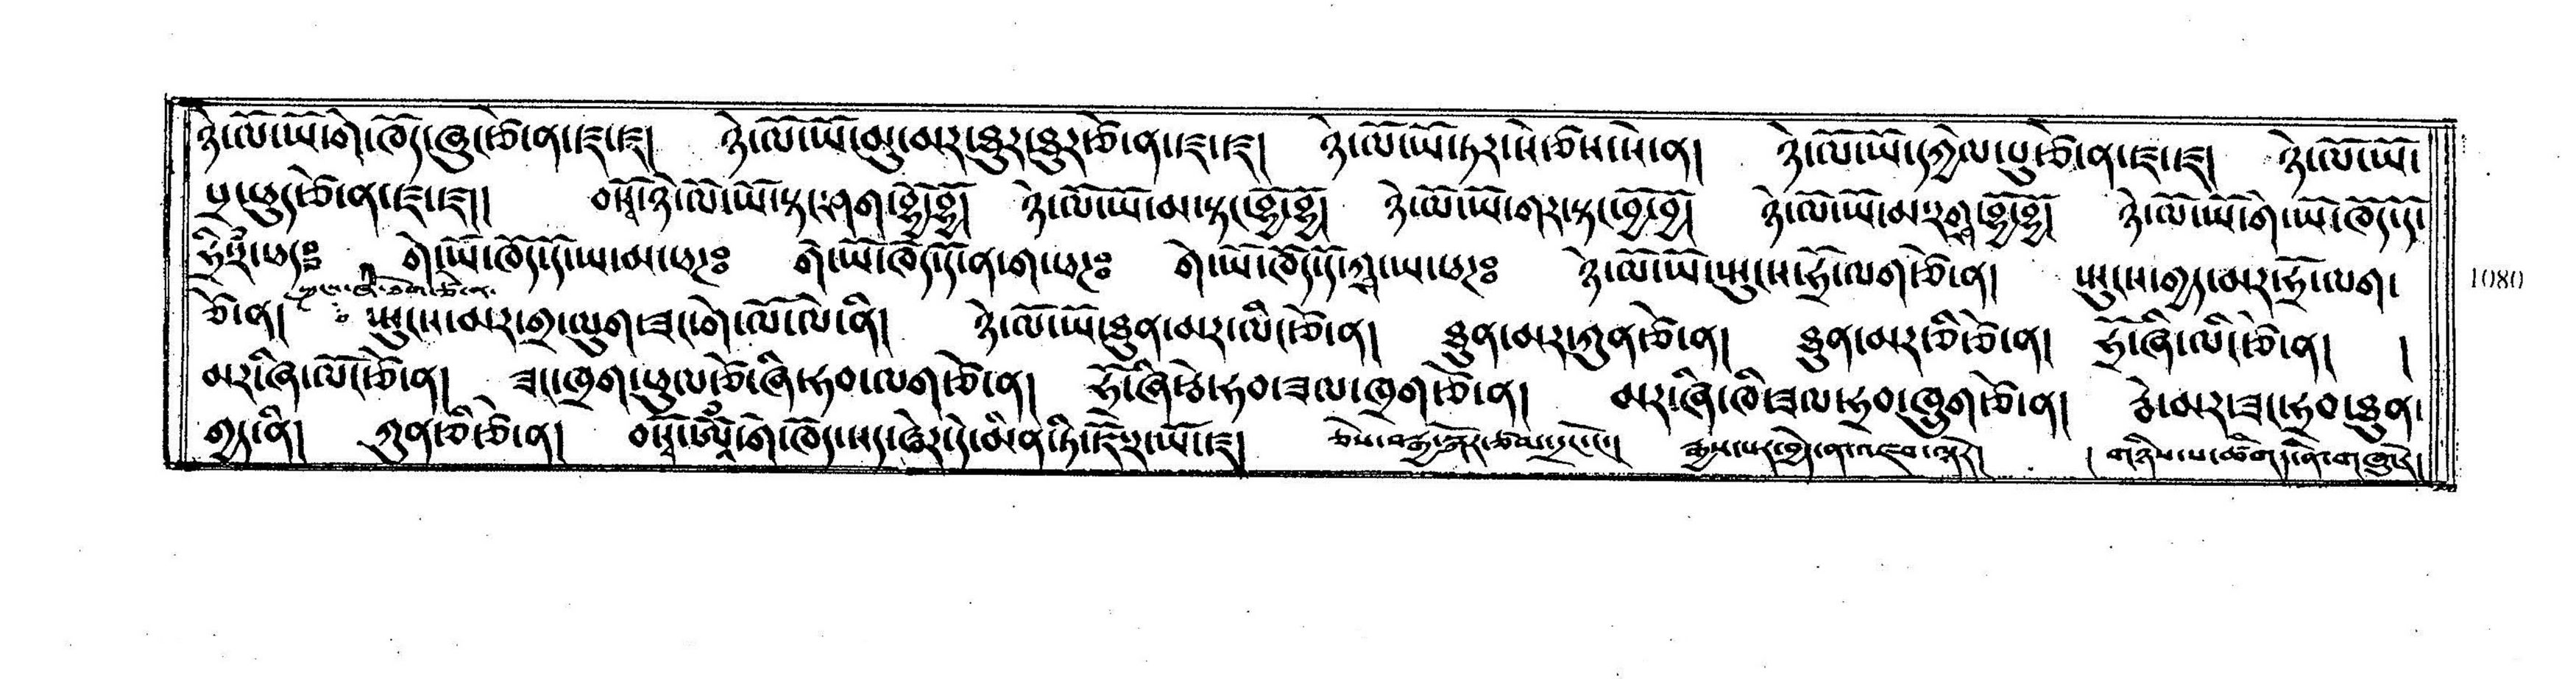ཉེ་ལོ་ཡོ་གེ་ཁོད་ཞུང་ཙེ་ན་ཛ་ཛ། ཉེ་ལོ་ཡོ་མུ་མར་ཐུར་ཐུར་ཙེ་ན་ཛ་ཛ། ཉེ་ལོ་ཡོ་ཏར་སེ་ཙས་སེ་ན། ཉེ་ལོ་ཡོ་དཀྱེལ་པུ་ཙེ་ན་ཛ་ཛ། ཉེ་ལོ་ཡོ་
པྲ་ཕུད་ཙེ་ན་ཛ་ཛ།། བསྭོ་ཉེ་ལོ་ཡོ་སྟང་ཤག་བྷྱོ་བྷྱོ། ཉེ་ལོ་ཡོ་མ་སྟང་བྷྱོ་བྷྱོ། ཉེ་ལོ་ཡོ་གར་སྟང་བྱོ་བྱོ། ཉེ་ལོ་ཡོ་མ་རགྴ་བྷྱོ་བྷྱོ། ཉེ་ལོ་ཡོ་གེ་ཡོ་ཁོད་དོ་
ཧྲི་རཾ་ཕཊཿ གེ་ཡོ་ཁོད་དོ་ཡ་མ་ཕཊ༔ གེ་ཡོ་ཁོད་དོ་ན་ག་ཕཊ༔ གེ་ཡོ་ཁོད་དོ་ཀྴ་ཡ་ཕཊ༔ ཉེ་ལོ་ཡོ་སྤུངས་ཧྲོ་ལག་ཙེ་ན། སྤུངས་གྱད་མར་ཧྲོ་ལག་
ཙེ་ན། སྤུངས་ཞི་ཐོག་ཙེ་ན་སྤུངས་མར་གྲ་ལུག་ཟང་ལོ་ལེ་ནི། ཉེ་ལོ་ཡོ་ཐུན་མར་ལིང་ཙེ་ན། ཐུན་མར་ཀུན་ཙེ་ན། ཐུན་མར་ཅི་ཙེ་ན། ཧྲོ་ཞི་ལིང་ཙེ་ན། 
མར་ཞི་ལོང་ཙེ་ན། ཟང་ཁྲག་ཕུལ་ཙེ་ཞི་ཧབ་ལག་ཙེ་ན། ཧོ་ཞི་རྦེ་ཧབ་ཟལ་ཁྲག་ཙེ་ན། མར་ཞི་ཁི་ཟལ་ཧྲབ་ཁྲུག་ཙེ་ན། རྦེ་མར་ཟང་ཧྲབ་ཐུན་
གྱད་ནི། ཀུན་ཅི་ཙེ་ན། བསྭོ་ཨཱོཾ་གེ་ཁོད་སད་ཝེར་དེ་མིན་ཏི་ཛོ་ར་ཡོ་ཛ། ཅེས་བརྒྱ་སྐོར་ཙམ་དྲང་ངོ་། རྒྱས་པར་བྱེད་ན་འཛབ་ལྟར་རོ། །གཉིས་པ་ཚིག་བཤད་ནི་གཞུང་ལྟར་རོ།